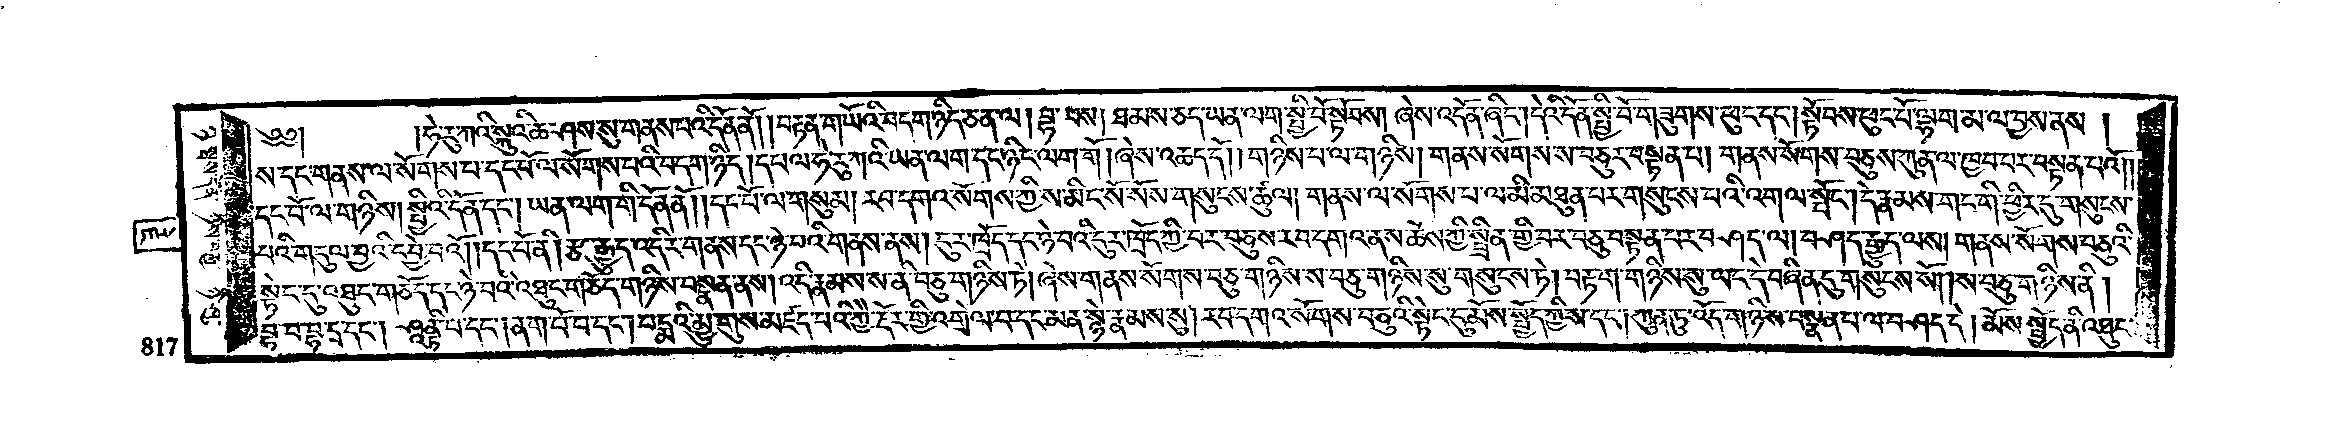༄༅། །ཧེ་རུ་ཀའི་སྐུའི་ཆ་ཤས་སུ་གནས་པའི་དོན་ནི། །བརྟན་གཡོའི་བདག་ཉིད་ཅན་ལ། བྷ་བས། ཐམས་ཅད་ཡན་ལག་སྤྱི་བོ་སྟོབས། ཞེས་འདོན་ཞིང་། དེའི་དོན་སྤྱི་བོ་གཟུགས་ཕུང་དང་། སྟོབས་ཕུང་པོ་ལྷག་མ་ལ་བྱས་ནས།
ས་དང་གནས་ལ་སོགས་པ་དང་པོ་ལ་སོགས་པའི་བདག་ཉིད། དཔལ་ཧེ་རུ་ཀའི་ཡན་ལག་དང་ཉིང་ལག་གོ །ཞེས་འཆད་དོ། །གཉིས་པ་ལ་གཉིས། གནས་སོགས་ས་བཅུར་བསྟན་པ། གནས་སོགས་བཅུས་ཀུན་ལ་ཁྱབ་པར་བསྟན་པའོ། །
དང་པོ་ལ་གཉིས། སྤྱིའི་དོན་དང་། ཡན་ལག་གི་དོན་ནོ། །དང་པོ་ལ་གསུམ། རབ་དགའ་སོགས་ཀྱི་ས་མིང་སོ་སོས་གསུངས་ཚུལ། གནས་ལ་སོགས་པ་ལ་མི་མཐུན་པར་གསུངས་པའི་འགལ་སྤོང་། དེ་རྣམས་གང་གི་ཕྱིར་དུ་གསུངས་
པའི་གདུལ་བྱའི་དབྱེ་བའོ། །དང་པོ་ནི། རྩ་རྒྱུད་འདིར་གནས་དང་ཉེ་བའི་གནས་ནས། དུར་ཁྲོད་དང་ཉེ་བའི་དུར་ཁྲོད་ཀྱི་བར་བཅུས་རབ་དགའ་ནས་ཆོས་ཀྱི་སྤྲིན་གྱི་བར་བཅུ་བསྟན་པར་བཤད་ལ། བཤད་རྒྱུད་ལས། གནས་སོགས་བཅུའི་
སྟེང་དུ་འཐུང་གཅོད་དང་ཉེ་བའི་འཐུང་གཅོད་གཉིས་བསྣན་ནས། འདི་རྣམས་ས་ནི་བཅུ་གཉིས་ཏེ། ཞེས་གནས་སོགས་བཅུ་གཉིས་ས་བཅུ་གཉིས་སུ་གསུངས་ཏེ། བརྟག་གཉིས་སུ་ཡང་དེ་བཞིན་དུ་གསུངས་སོ། །ས་བཅུ་གཉིས་ནི།
བྷ་བ་བྷ་དྲ་དང་། ཤཱནྟི་པ་དང་། ནག་པོ་པ་དང་། པདམའི་མྱུ་གུས་མཛད་པའི་ཀྱཻ་རྡོར་གྱི་འགྲེལ་བ་དང་མན་སྙེ་རྣམས་སུ། རབ་དགའ་སོགས་བཅུའི་སྟེང་དུ་མོས་སྤྱོད་ཀྱི་ས་དང་། ཀུན་ཏུ་འོད་གཉིས་བསྣན་པ་ལ་བཤད་དེ། མོས་སྤྱོད་ནི་འཐུང་